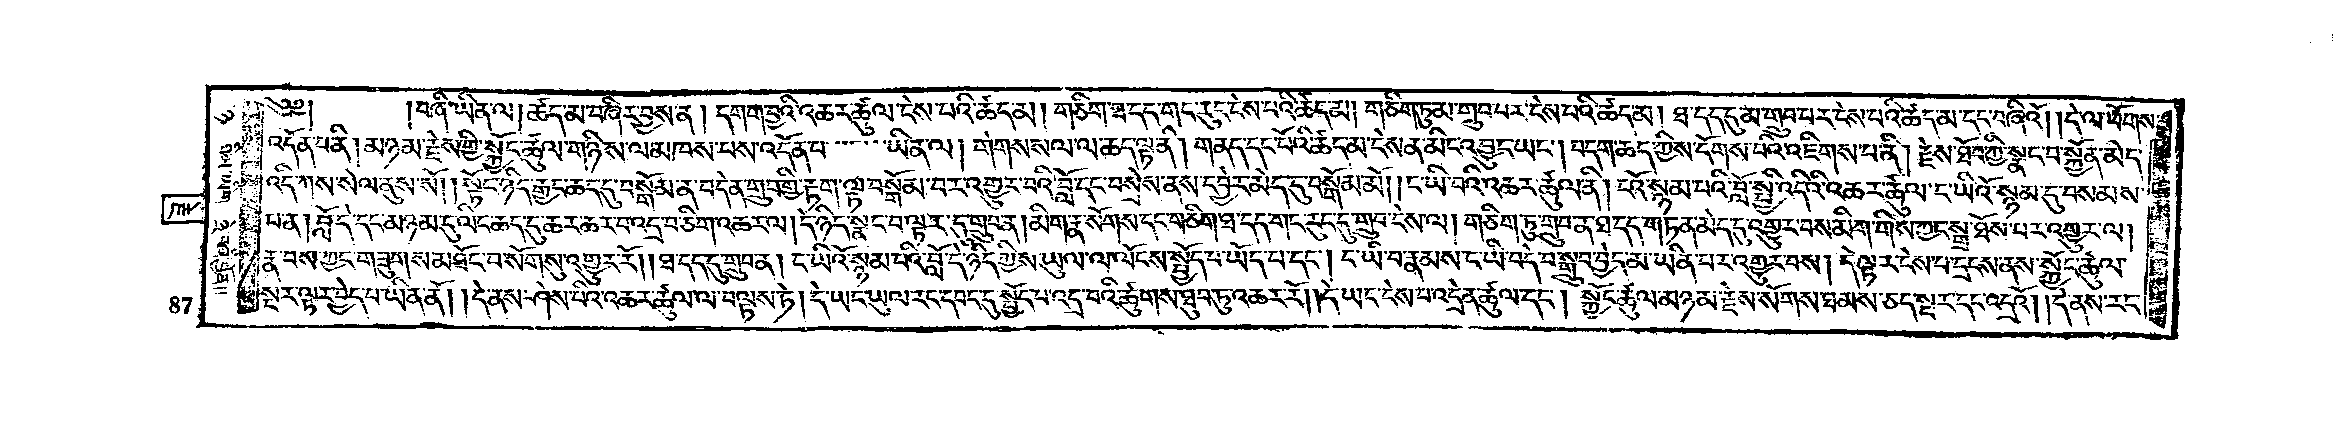༄༅། །བཞི་ཡིན་ལ། ཚད་མ་བཞིར་བྱས་ན། དགག་བྱའི་འཆར་ཚུལ་ངེས་པའི་ཚད་མ། གཅིག་ཐ་དད་གང་རུང་ངེས་པའི་ཚད་མ། གཅིག་ཏུ་མ་གྲུབ་པར་ངེས་པའི་ཚེད་མ། ཐ་དད་དུ་མ་གྲུབ་པར་ངེས་པའི་ཆེད་མ་དང་བཞིའོ། །དེ་ལ་བོགས་
འདོན་པ་ནི། མཉམ་རྗེས་གྱི་སྐྱོང་ཚུལ་གཉིས་ལ་མཁས་པས་འདོན་པ་ཡིན་ལ། གེགས་སེལ་ལ་ཆད་ལྟ་ནི། གནད་དང་པོའི་ཚད་མ་ངེས་ན་མིང་འབྱུང་ཡང་། བདག་ཆད་ཀྱིས་དོགས་པའི་འཇིགས་པ་ནི། རྗེས་ཐོབ་ཀྱི་སྣང་བ་སྐྱོན་མེད་
འདི་ཀས་སེལ་ནུས་སོ། །སྟོང་ཉིད་རྒྱང་ཆད་དུ་བསྒོམ་ན་བདེན་གྲུབ་གྱི་རྟག་ལྟ་བསྒོམ་བར་འགྱུར་བའི་བློ་དང་བསྲེས་ནས་དབྱེར་མེད་དུ་བསྒོམ་མོ། །ང་ཡི་བའི་འཆར་ཚུལ་ནི། ངའོ་སྙམ་པའི་བློ་སྤྱི་འདིའི་འཆར་ཚུལ་ང་ཡིའོ་སྙམ་དུ་བསམས་
པ་ན། བློ་དེ་དང་མཉམ་དུ་ལིང་ཆད་དུ་ཆར་ཆར་བ་འདྲ་བ་ཅིག་འཆར་ལ། དེ་ཉིད་སྣང་བ་ལྟར་དུ་གྲུབ་ན། མིག་རྣ་སོགས་དང་གཅིག་ཐ་དད་གང་རུང་དུ་གྲུབ་ངེས་ལ། གཅིག་ཏུ་གྲུབ་ན་ཐ་དད་གཏན་མེད་དུ་འགྱུར་བས་མིག་གིས་ཀྱང་སྒྲ་ཐོས་པར་འགྱུར་ལ།
རྣ་བས་ཀྱང་གཟུགས་མཐོང་བ་སོགས་སུ་འགྱུར་རོ། །ཐ་དད་དུ་གྲུབ་ན། ང་ཡིའོ་སྙམ་པའི་བློ་དེ་ཉིད་ཀྱིས་ཡུལ་ལ་ལོངས་སྤྱོད་པ་ཡོད་པ་དང་། ང་ཡི་བ་རྣམས་ང་ཡི་བདེ་བསྒྲུབ་བྱེད་མ་ཡིན་པར་འགྱུར་བས། དེ་ལྟར་ངེས་པ་དྲངས་ནས་སྐྱོང་ཚུལ་
སྔར་ལྟར་བྱེད་པ་ཡིན་ནོ། །དེ་ནས་ཤེས་པའི་འཆར་ཚུལ་ལ་བལྟས་ཏེ། དེ་ཡང་ཡུལ་རང་དབང་དུ་སྤྱོད་པ་འདྲ་བའི་ཚུགས་ཐུབ་ཏུ་འཆར་རོ། །དེ་ཡང་ངེས་པ་འདྲེན་ཚུལ་དང་། སྐྱོང་ཚུལ་མཉམ་རྗེས་སོགས་ཐམས་ཅད་སྔར་དང་འདྲའོ། །དེ་ནས་རང་